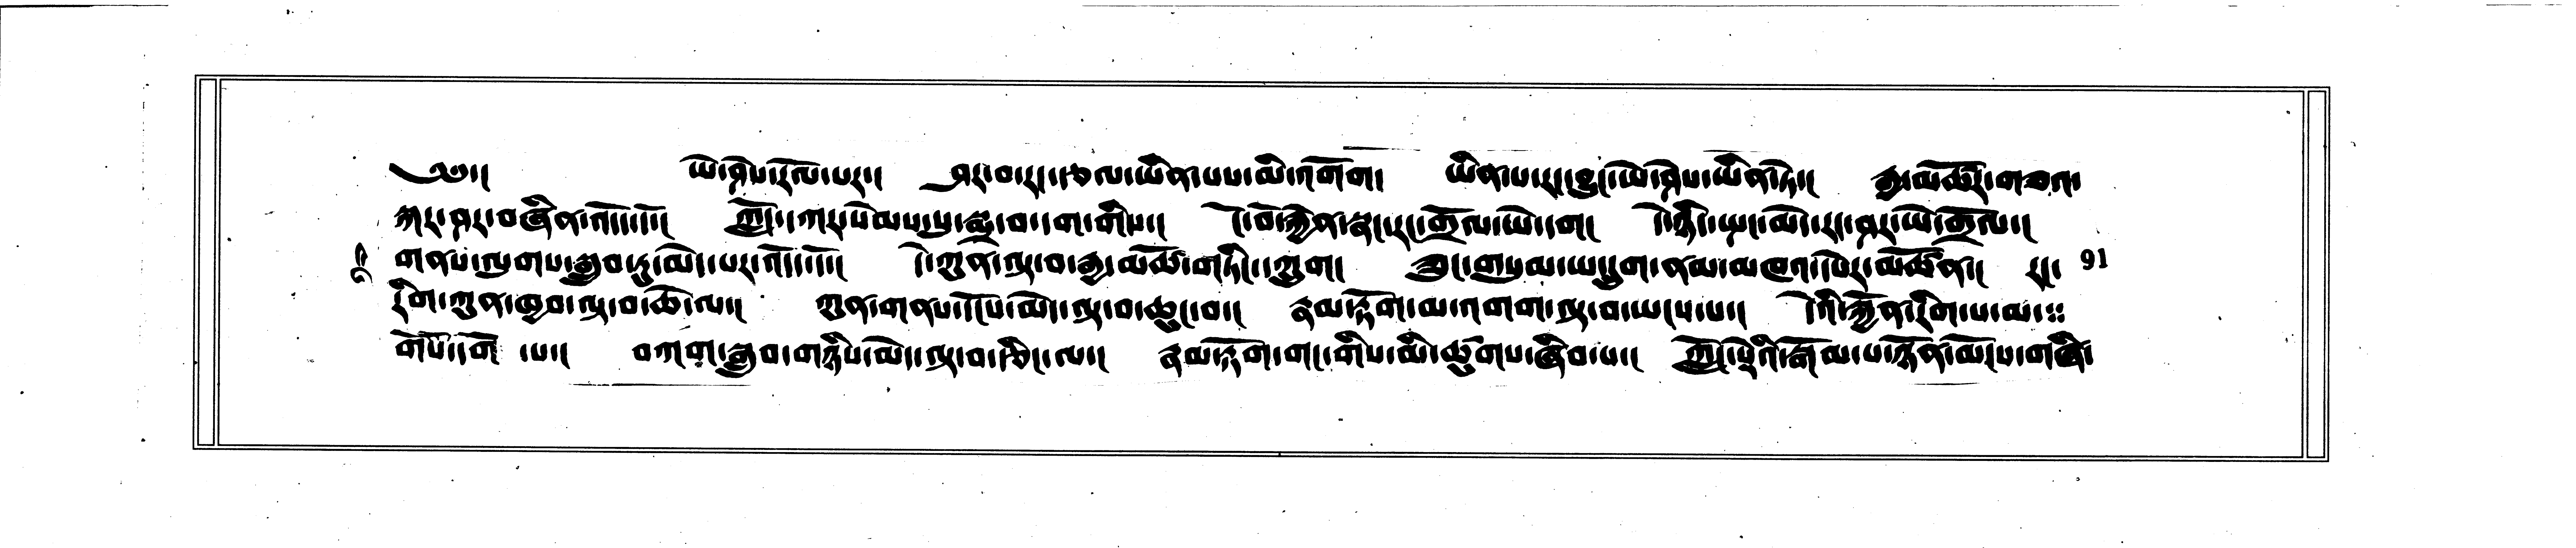ཡེ་ཤེས་རོལ་པར། །ཤར་བ་རང་རྩལ་ཡིན་པས་མི་འགོག །ཡིན་པ་རང་འབྱུང་ཡེ་ཤེས་ཡིན་ཏེ། །རྒྱ་མཚོར་གཟའ་
སྐར་ཤར་བཞིན་འདོད་དོ། །ཀློང་དཀར་སེམས་སུ་སྨྲ་བ་དག་གིས། །ངོ་བོ་རྐྱེན་སྣང་རང་གྲོལ་ཡེ་དག །དེ་ཉིད་སྤང་མེད་རང་ཤར་ཡེ་གྲོལ། །
གནས་ལུགས་གྲུབ་ཏུ་མེད་པར་འདོད་དོ། །དེ་ཀུན་ལྟ་བ་རྒྱ་མཚོ་གཏིང་དཀྲུག །ཟུང་གསུམ་ཡ་དྲུག་ནམ་མཁའ་དཔེར་མཚོན། །རང་
རིག་ཀུན་ཁྱབ་ལྟ་བ་ཆེ་ལ། །ཀུན་གནས་དངོས་མེད་ལྟ་བ་ཆུང་བ། །རྣམ་རྟོག་མ་འགག་ལྟ་བ་ཡངས་པ། །དེའི་སྐྱོན་རིག་པ་མ་
དགོས་དགོས་པ། །བཀག་སྒྲུབ་གཉིས་མེད་ལྟ་བ་རྩིང་ལ། །རྣམ་རྟོག་གང་གིས་མི་ཚུགས་ཞིབ་པ། །ཀློང་སྡེའི་སྒོམ་པ་ཉོན་མོངས་གཞི་